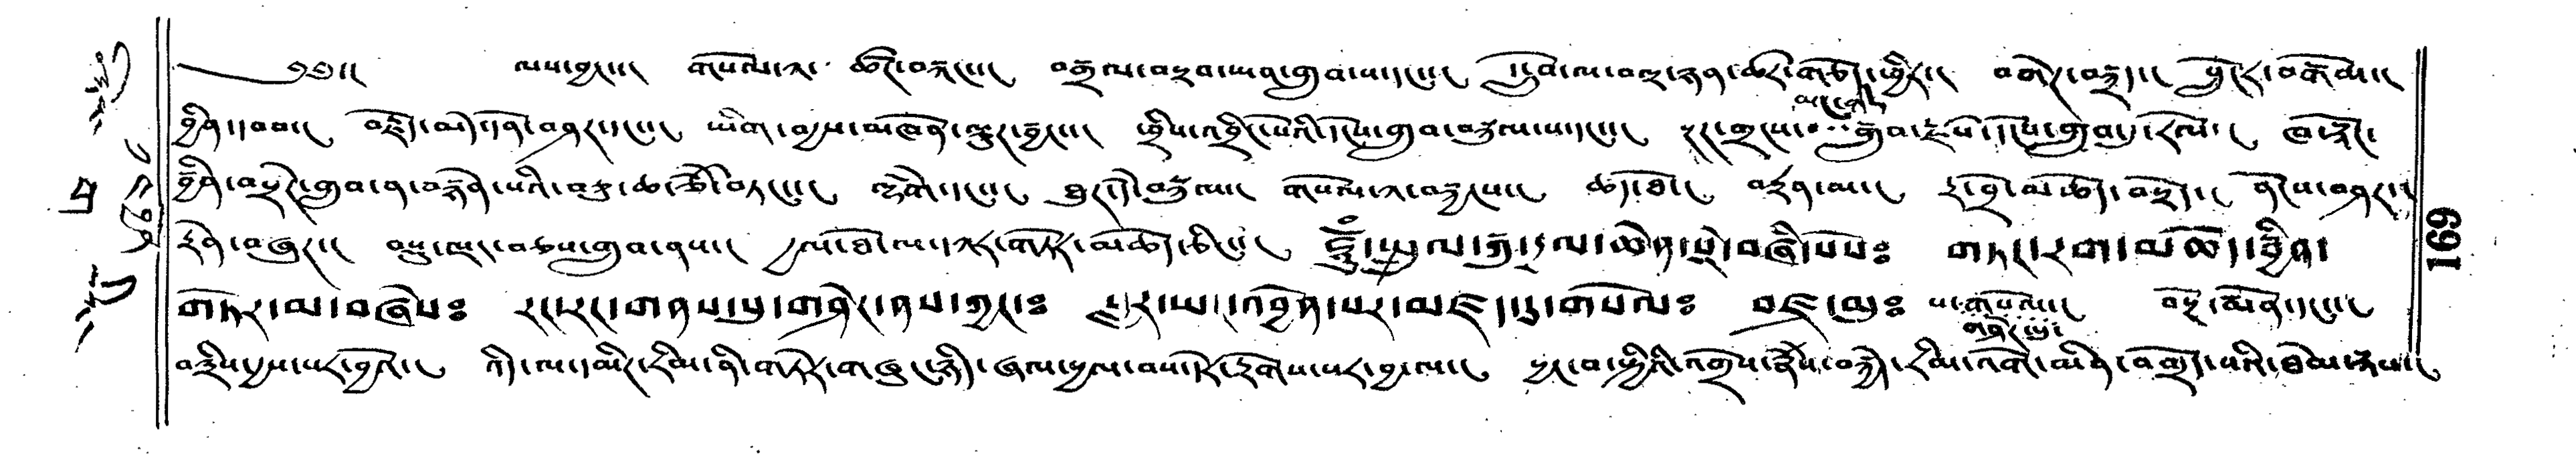༄༅། ལས་བྱང་། གསོལ་ཀ ཚོགས་བསྐང་། བསྒྲལ་བསྟབ་ཡན་གྲུབ་པ་དང་། དངོས་གྲུབ་ལ་ལྟ་ཉན་ཚར་གཅོད་ཕྱིར་། བགེགས་བསྐྲད་། སྲུང་འཁོར་བསྒོམ་། 
བྱིན་དབབ་། བརྗོད་མེད་དོན་བཤགས་དང་། ཡིག་བརྒྱས་མཁོན་ལྕུགས་སྦྱང་། ཕྲིན་ལས་འབྲིང་པོའི་དངོས་གྲུབ་བསྐུལ་པ་དང་། སྔགས་གྲངས་མང་གིས་སྒྲུབ་རྫས་དངོས་གྲུབ་དུ་རོལ་། ཁ་སྐོང་
སྦྱིན་བསྲེགས་གྲུབ་ན་བསྙེན་པའི་བཅུ་ཆ་ཙམ་བཏང་། ལྷག་མ་དང་། ཐུགས་དམ་སྐུལ། གསོལ་ཀ་བསྐྱང་། ཆད་ཐོ། བརྟན་མ། རྟ་བྲོ་མཆོད་བསྟོད་། ནོངས་བཤགས། 
བརྟན་བཞུགས། བསྡུ་ལྡང་བཅས་གྲུབ་ནས་། རྒྱལ་ཐོ་ལ་དཀར་གཏོར་མཆོད་ཅིང་། ཧཱུྂ་སྤྲུལ་སྐུ་རྒྱལ་ཆེན་སྡེ་བཞི་པོས་ཿ གཏང་རག་མཆོད་སྦྱིན་
གཏོར་མ་བཞེསཿ རང་རང་གནས་སུ་གཤེགས་ནས་ཀྱང་ཿ སླར་ཡང་འབྱོན་པར་མཛད་དུ་གསོལ་ཿ བཛྲ་མུཿ ས་གཤེགས་སུ་གསོལ། བསྔོ་སྨོན་དང་
བཀྲ་ཤིས་རྒྱས་པར་བྱའོ། འདི་ལ་དམིགས་རིམ་ནི་གཏོར་གཞུང་ཉིད་ཞལ་གསལ་བས་དེར་རྟོགས་པར་བྱ་ལ། གསང་བ་སྤྱི་འགྲོས་རྣམས་བསྐྱེད་རིམ་འོག་མིན་བགྲོད་པའི་ཐེམ་སྐས་